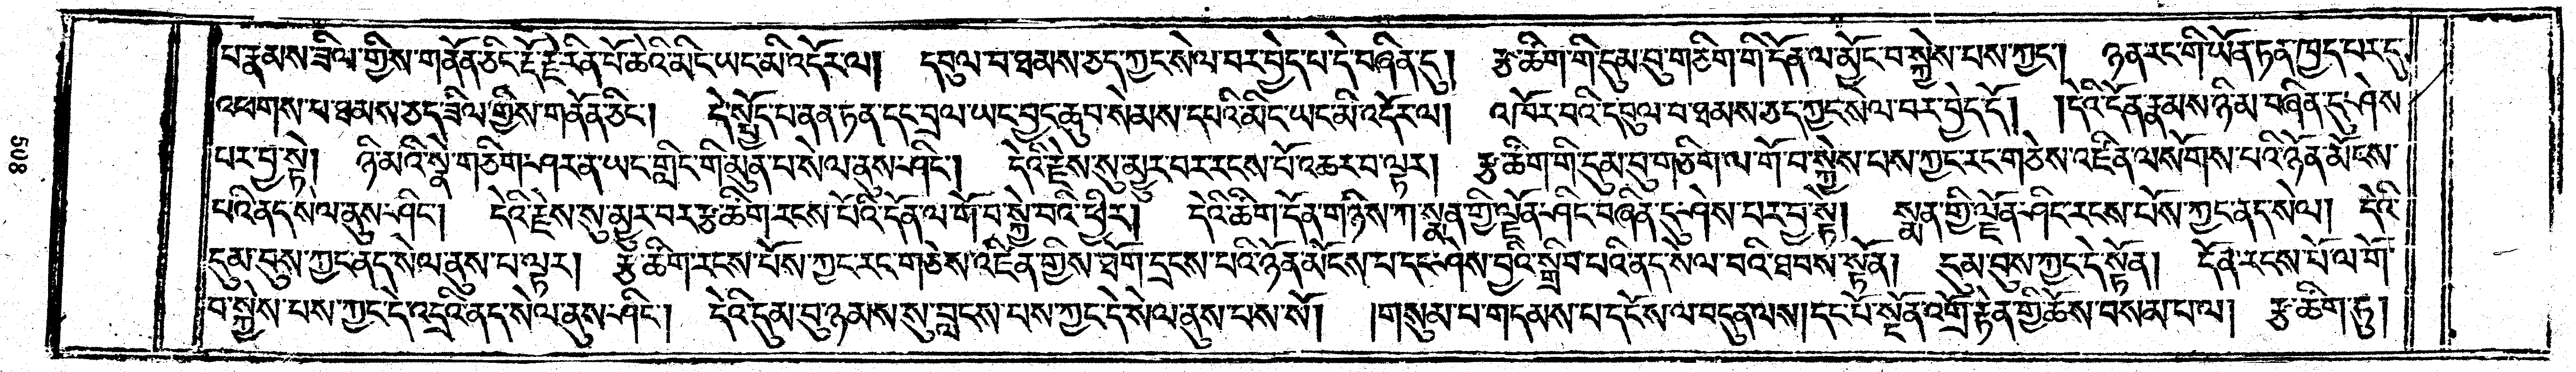པ་རྣམས་ཟིལ་གྱིས་གནོན་ཅིང་རྡོ་རྗེ་རིན་པོ་ཆེའི་མིང་ཡང་མི་འདོར་ལ། དབུལ་བ་ཐམས་ཅད་ཀྱང་སེལ་བར་བྱེད་པ་དེ་བཞིན་དུ། རྩ་ཚིག་གི་དུམ་བུ་གཅིག་གི་དོན་ལ་མྱོང་བ་སྐྱེས་པས་ཀྱང་། ཉན་རང་གི་ཡོན་ཏན་ཁྱད་པར་དུ་
འཕགས་པ་ཐམས་ཅད་ཟིལ་གྱིས་གནོན་ཅིང་། དེ་སྤྱོད་པ་ནན་ཏན་དང་བྲལ་ཡང་བྱང་ཆུབ་སེམས་དཔའི་མིང་ཡང་མི་འདོར་ལ། འཁོར་བའི་དབུལ་བ་ཐམས་ཅད་ཀྱང་སེལ་བར་བྱེད་དོ། །དེའི་དོན་རྣམས་ཉི་མ་བཞིན་དུ་ཤེས་
པར་བྱ་སྟེ། ཉི་མའི་སྣེ་གཅིག་ཤར་ན་ཡང་གླིང་གི་མུན་པ་སེལ་ནུས་ཤིང་། དེའི་རྗེས་སུ་མྱུར་བར་རངས་པོ་འཆར་བ་ལྟར། རྩ་ཚིག་གི་དུམ་བུ་གཅིག་ལ་གོ་བ་སྐྱེས་པས་ཀྱང་རང་གཅེས་འཛིན་ལ་སོགས་པའི་ཉོན་མོངས་
པའི་ནད་སེལ་ནུས་ཤིང་། དེའི་རྗེས་སུ་མྱུར་བར་རྩ་ཚིག་རངས་པོའི་དོན་ལ་གོ་བ་སྐྱེ་བའི་ཕྱིར། དེའི་ཚིག་དོན་གཉིས་ཀ་སྨན་གྱི་ལྗོན་ཤིང་བཞིན་དུ་ཤེས་པར་བྱ་སྟེ། སྨན་གྱི་ལྗོན་ཤིང་རངས་པོས་ཀྱང་ནད་སེལ། དེའི་
དུམ་བུས་ཀྱང་ནད་སེལ་ནུས་པ་ལྟར། རྩ་ཚིག་རངས་པོས་ཀྱང་རང་གཅེས་འཛིན་གྱིས་ཐོག་དྲངས་པའི་ཉོན་མོངས་པ་དང་ཤེས་བྱའི་སྒྲིབ་པའི་ནད་སེལ་བའི་ཐབས་སྟོན། དུམ་བུས་ཀྱང་དེ་སྟོན། དོན་རངས་པོ་ལ་གོ་
བ་སྐྱེས་པས་ཀྱང་དེ་འདྲའི་ནད་སེལ་ནུས་ཤིང་། དེའི་དུམ་བུ་ཉམས་སུ་བླངས་པས་ཀྱང་དེ་སེལ་ནུས་པས་སོ། །གསུམ་པ་གདམས་པ་དངོས་ལ་བདུན་ལས། དང་པོ་སྔོན་འགྲོ་རྟེན་གྱི་ཆོས་བསམ་པ་ལ། རྩ་ཚིག་ཏུ།